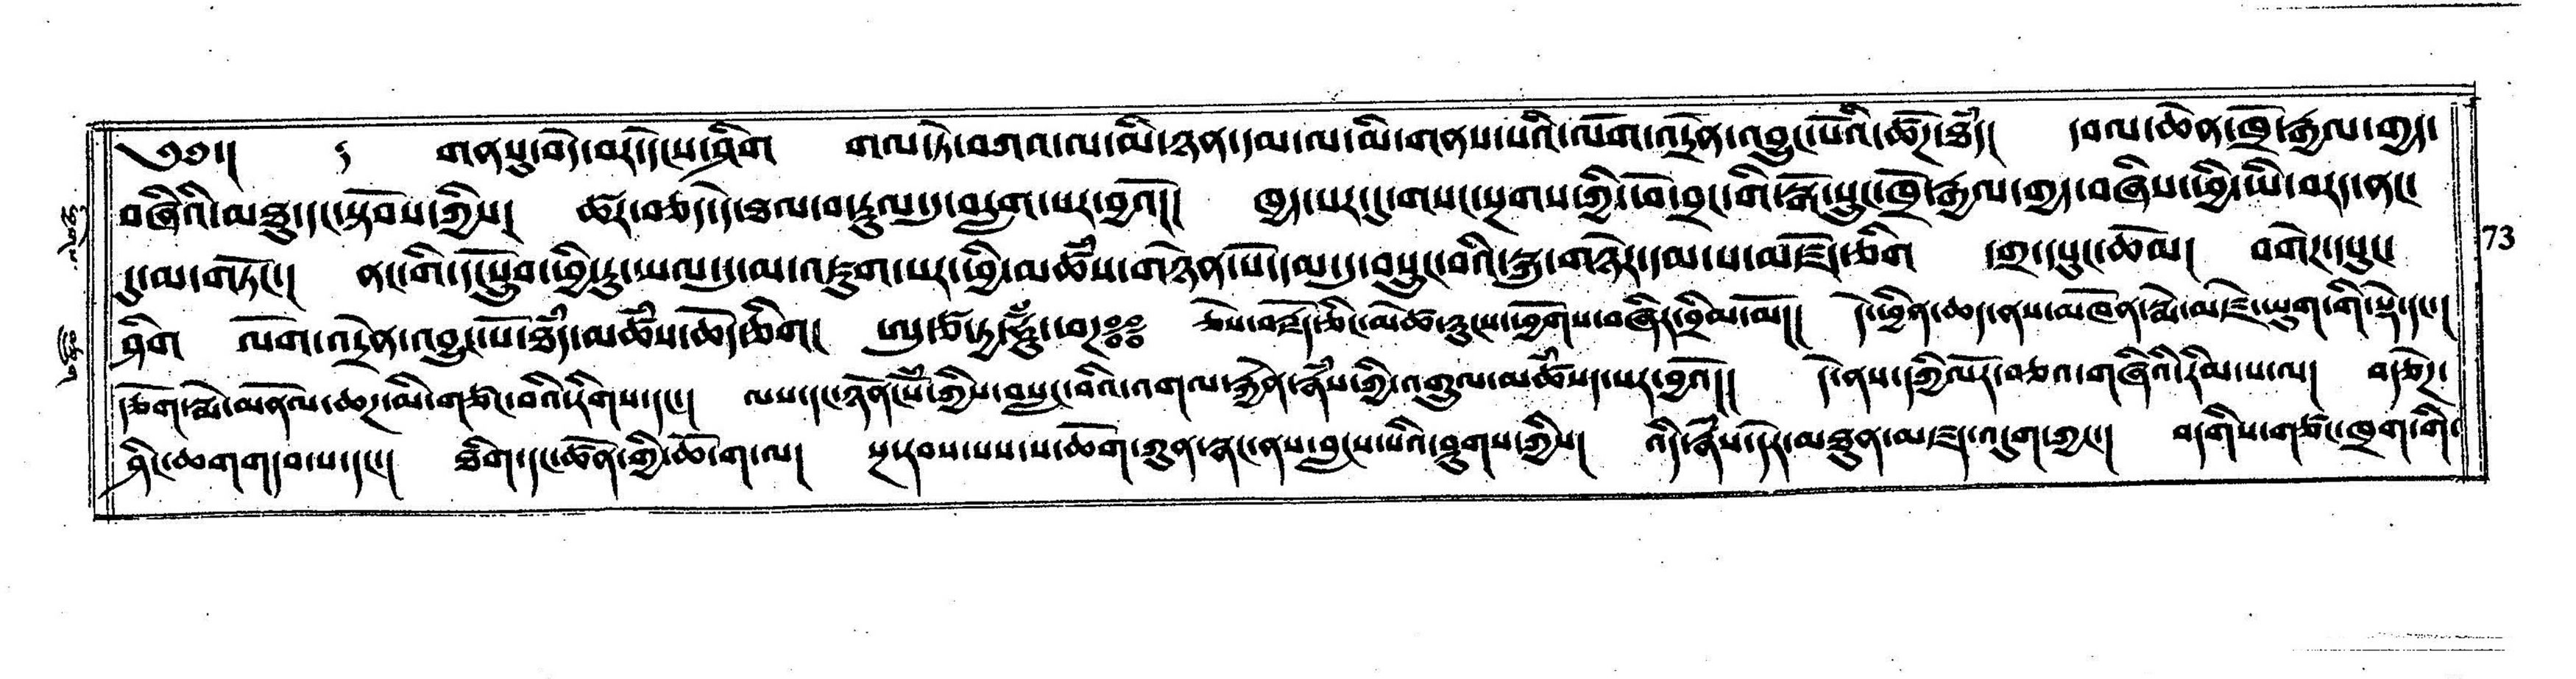གནས་སུ་བདེ་བར་དེངས་ཤིག གལ་ཏེ་བཀའ་ལ་མི་ཉན་དམ་ལ་མི་གནས་པའི་ལོག་འདྲེན་འབྱུང་པོའི་ཚོགས་ཐམས་ཅད། དབལ་ཆེན་ཁྲོ་རྒྱལ་གྱད་
བཞིའི་མཐུ་དང་སྟོབས་ཀྱིས། ཚར་བཅད་དེ་ཐལ་བ་རྡུལ་དུ་བརླག་པར་བྱའོ།། ཁྱད་པར་དུ་གསང་སྔགས་ཀྱི་ཕོ་བྲང་གི་སྒོ་སྲུང་ཁྲོ་རྒྱལ་གྱད་བཞིས་ཕྱི་ཡི་བར་ཆད་ནང་
དུ་མ་གཏོང་། ནང་གི་དངོས་གྲུབ་ཕྱི་རུ་ཡལ་དུ་མ་འཇུག་པར་ཕྱི་མཚམས་གཉེན་པོ་དམ་དུ་བསྲུང་བའི་སྐུ་གཉེར་དམ་པ་མཛོད་ཅིག དགྲ་དཔུང་ཆོམ། བགེགས་དཔུང་
ཤིག ལོག་འདྲེན་འབྱུང་པོ་ཐམས་ཅད་མཚམས་ཆོད་ཅིག ཨུ་ཙ་ཏྱ་ཧཱུྃ་ཕཊ༔༔ ཅེས་བརྗོད་ཅིང་མཚེ་ཉུངས་ཕྱོགས་བཞིར་བྲིམ་མོ།། དེ་ཕྱིན་ཆད་ནས་མཁོན་སྨེ་མཛེ་ཡུག་གི་སྡེ་དང་། 
རྩོག་སྨེ་མནོལ་ཆགས་མི་གཙང་བའི་རིགས་དང་། ལས་དང་ཉོན་མོངས་ཀྱིས་བསླང་བའི་འགལ་རྐྱེན་རྣམས་ཀྱི་འགྲུལ་མཚམས་བཅད་པར་བྱའོ།། དེ་ནས་དཀྱིལ་འཁོར་བཅའ་གཞིའི་རིམ་པ་ལ། བརྩིགས་
ཤིང་ཆག་ཆག་གདབ་པ་དང་། ཐིག་དང་ཚོན་གྱི་ཆོ་ག་ལ། སྔ་རབས་པས་ས་ཆོག་ཀུན་སྣང་ནས་བླངས་པའི་ཤུགས་ཀྱིས། འདི་རྣམས་དེར་མཐུན་མཛད་འདུག་ཀྱང་། བདག་གིས་གཙང་ཁྲག་གི་